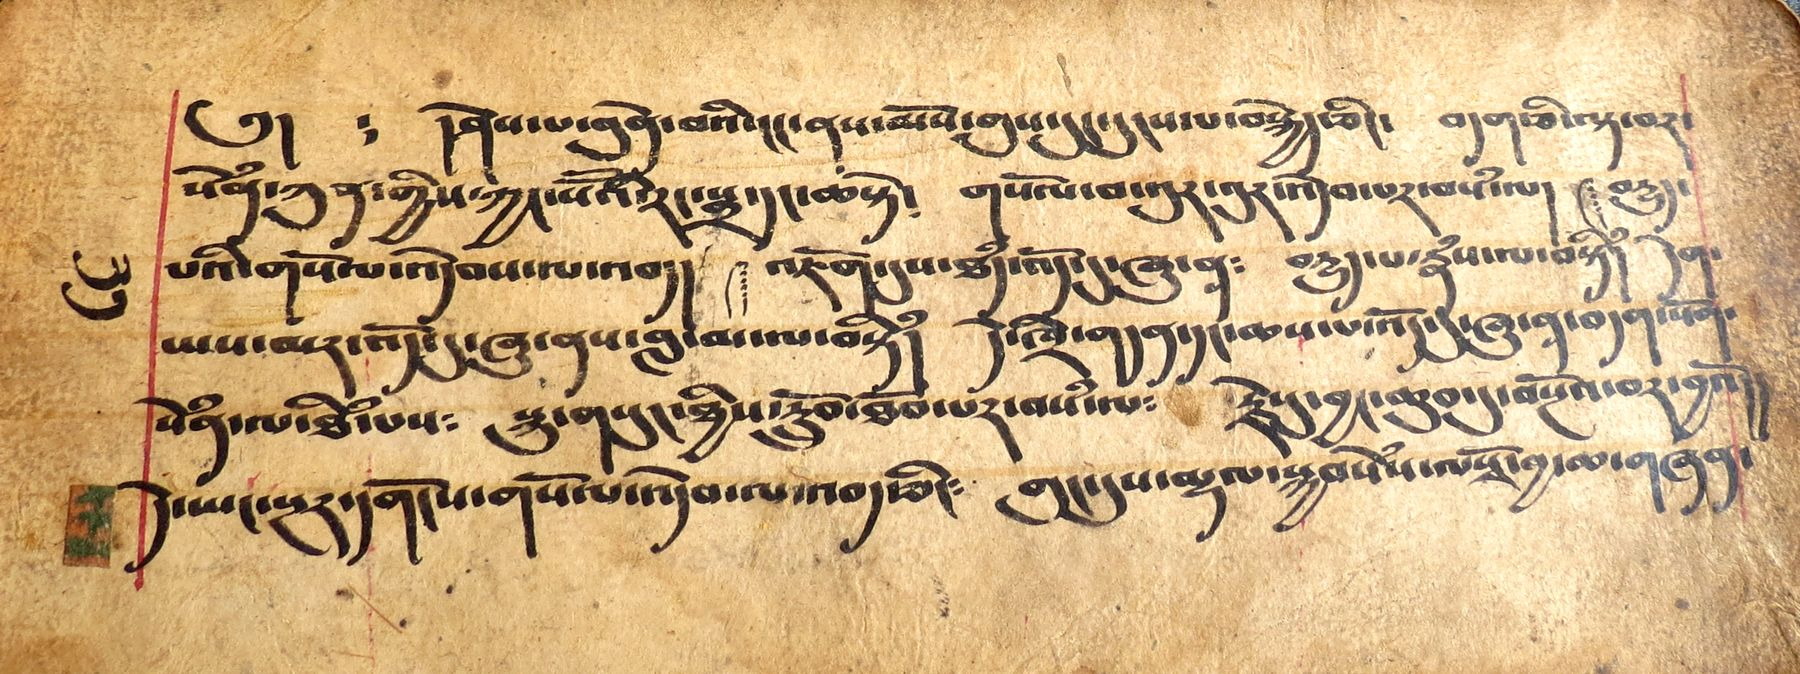ཤེས་པ་བུན་ནེ་ལོང་ངེ་བའི་ངང་ནས་མོས་གུས་དུང་དུང་བ་བསྐྱེད་ཅིང་། བདག་ཅི་ལྟ་བར་
སེམས་ཅན་ཀུན་གྱིས་ཀྱང་སོ་སོའི་རང་སྒྲ་དང་བཅས་ཏེ། གསོལ་བ་འུ་རུ་རུ་འདེབས་པར་བསམ་ལ། བརྒྱུད་
པའི་གསོལ་འདེབས་ལ་འབད། འཇོག་དུས་ཐམས་ཅད་འོད་དུ་ཞུ་ནས་བརྒྱུད་པ་རྣམས་ལ་བསྟིམས། དེ་
དག་ཡས་མར་འོད་དུ་ཞུ་ནས་བླ་མ་ལ་བསྟིམ། དེ་ཁྲི་གདན་དང་བཅས་པ་འོད་དུ་ཞུ་ནས་བདག་སོགས་
སེམས་ཅན་ལ་ཐིམ་པས། སྐུ་གསུང་ཐུགས་ཀྱིས་དངོས་གྲུབ་ཐོབ་པར་བསམ་ལ། རྗེས་སུ་བྱང་ཆུབ་ཏུ་བསྔོ་བར་བྱའོ། 
དེ་ཡང་སྔ་དགོང་གསོལ་འདེབས་ལ་འབད་ཅིང་། གུང་དུས་མཎྜལ་སྐྱབས་སེམས་ལས་སོགས་བྱ་ཆ་གཞན་